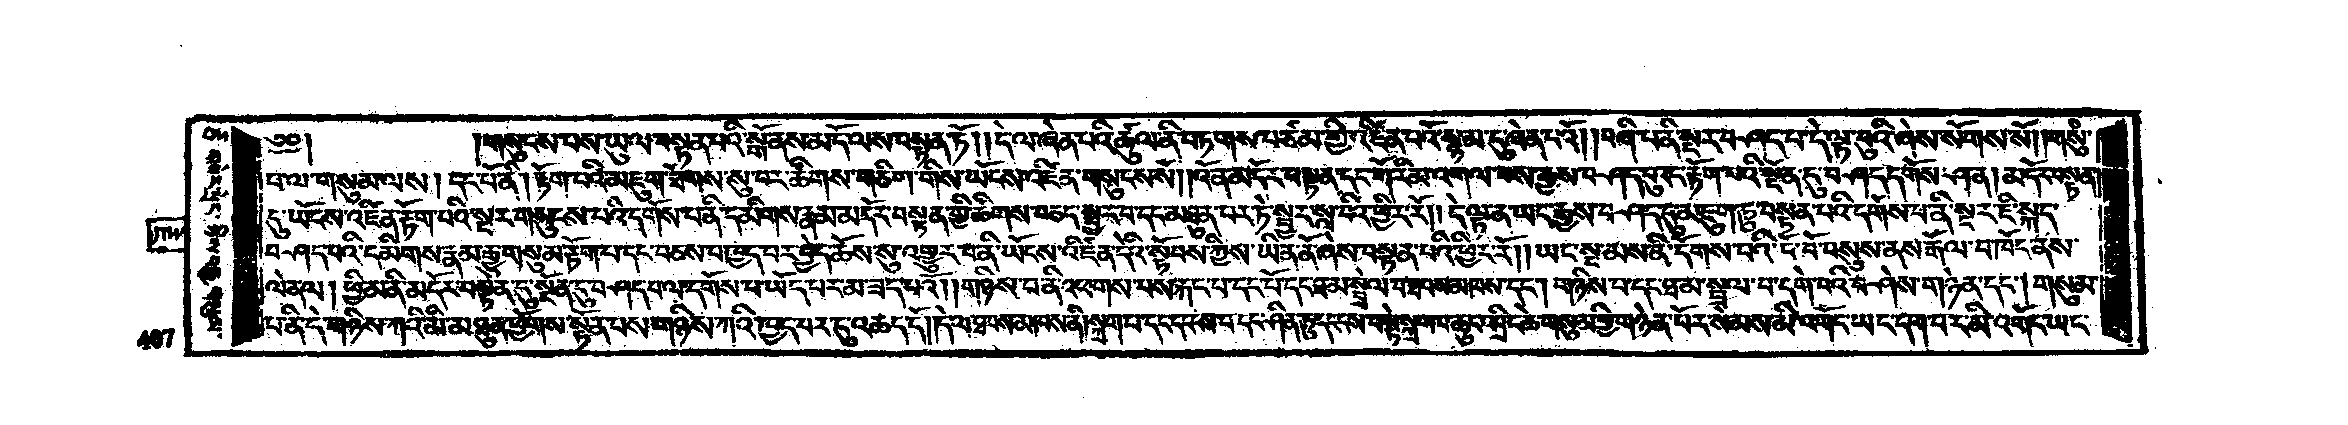༄༅། །གསུངས་པས་ཡུལ་བསྟན་པའི་སྒོ་ནས་མདོ་ལས་བསྟན་ཏོ། །དེ་ལ་ཞེན་པའི་ཚུལ་ནི་བཏགས་པ་ཙམ་གྱི་འཛིན་པའོ་སྙམ་དུ་ཞེན་པའོ། །བཞི་པ་ནི་སྔར་བཤད་པ་དེ་ལྟ་བུའི་ཞེས་སོགས་སོ། །གསུམ་
པ་ལ་གསུམ་ལས། དང་པོ་ནི། རྟོག་པའི་མཇུག་ཐོགས་སུ་བར་ཚིགས་གཅིག་གིས་ཡོངས་འཛིན་གསུངས་སོ། །འོ་ན་མདོར་བསྟན་དང་གོ་རིམ་འགལ་བས་རྒྱས་བཤད་དུའང་རྟོག་པའི་སྔོན་དུ་བཤད་དགོས་ཤ་ན། མདོར་བསྟན་
དུ་ཡོངས་འཛིན་རྟོག་པའི་སྔར་གསུངས་པའི་དགོས་པ་ནི་དམིགས་རྣམ་མདོར་བསྟན་གྱི་ཚིགས་བཅད་སྦྱར་བ་དང་མཐུན་པར་ཏེ་སྦྱར་སླ་བའི་ཕྱིར་རོ། །དེ་ལྟ་ན་ཡང་རྒྱས་བཤད་དུ་མཇུག་ཏུ་བསྟན་པའི་དགོས་པ་ནི་སྔར་ཇི་སྐད་
བཤད་པའི་དམིགས་རྣམ་རྒྱུ་གསུམ་རྟོག་པ་དང་བཅས་པ་ཁྱད་པར་བྱེད་ཆོས་སུ་འགྱུར་བ་ནི་ཡོངས་འཛིན་དེའི་སྟོབས་ཀྱིས་ཡིན་ནོ་ཞེས་བསྟན་པའི་ཕྱིར་རོ། །ཡང་སྔ་མས་ནི་དོགས་པའི་ངོ་བོ་བསུས་ནས་རྒོལ་བ་ཁོང་ནས་
ལེན་ལ། ཕྱི་མ་ནི་མདོར་བསྟན་དུ་སྔོན་དུ་བཤད་པ་ལ་དགོས་པ་ཡོད་པར་མ་ཟད་པའོ། །གཉིས་པ་ནི་འཕགས་པས་རྐང་པ་དང་པོ་དང་ཐ་མ་སྦྲེལ་བ་ཐབས་མཁས་དང་། གཉིས་པ་དང་ཐ་མ་སྦྲལ་བ་དགེ་བའི་བཤེས་གཉེན་དང་། གསུམ་
པ་ནི་དེ་གཉིས་ཀའི་མི་མཐུན་ཕྱོགས་སྟོན་པས་གཉིས་ཀའི་ཁྱད་པར་དུ་འཆད་དོ། །དེ་ལ་ཐབས་མཁས་ནི། སྐྲག་པ་དང་དངངས་པ་དང་ཤིན་ཏུ་དངངས་པ་སྟེ་སྐྲག་པ་ཆུང་འབྲིང་ཆེ་གསུམ་གྱི་གཉེན་པོར་སེམས་མི་འགོང་ཡང་དག་པར་མི་འགོང་ཡང་